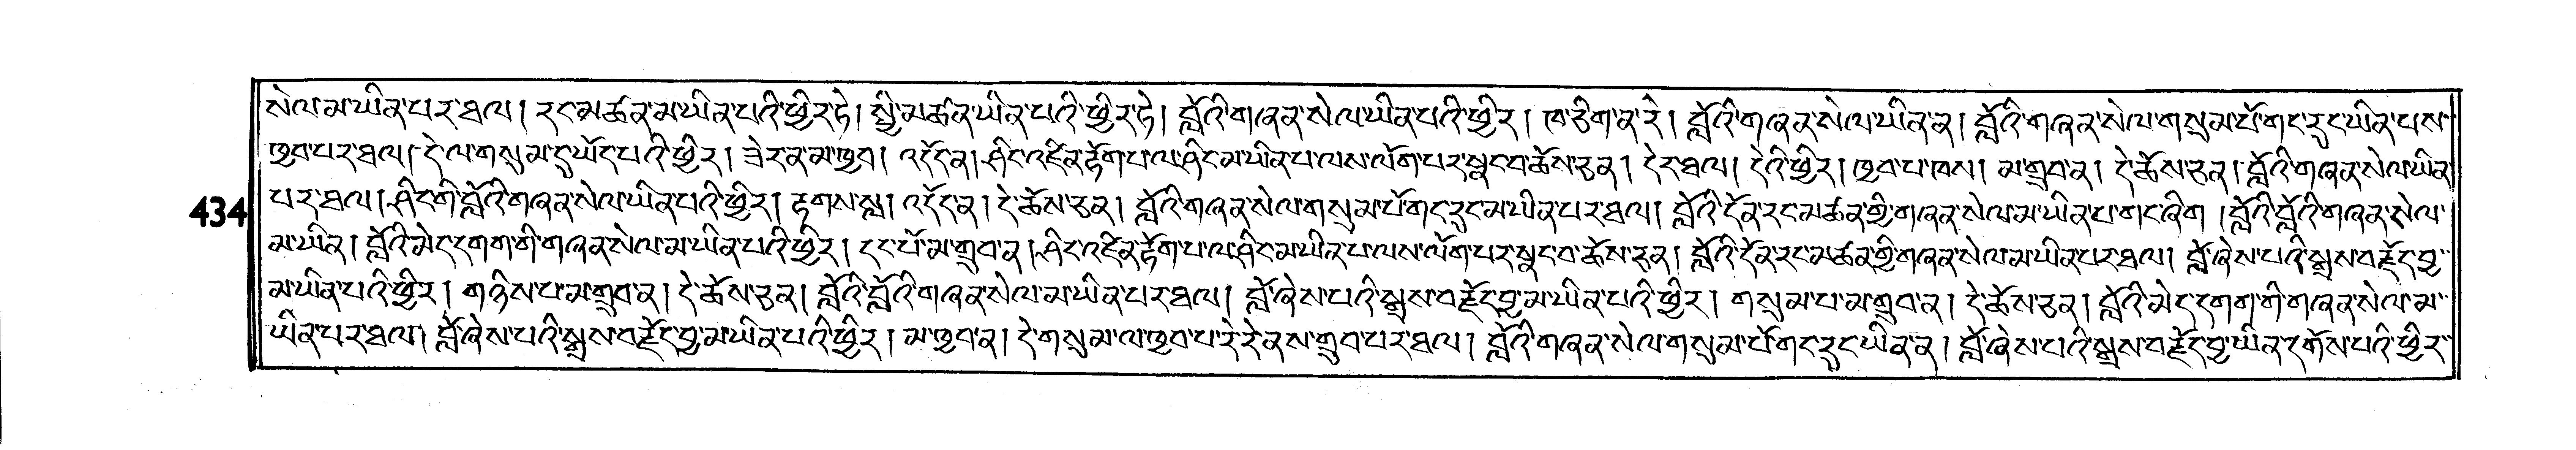སེལ་མ་ཡིན་པར་ཐལ། རང་མཚན་མ་ཡིན་པའི་ཕྱིར་ཏེ། སྦྱི་མཚན་ཡིན་པའི་ཕྱིར་ཏེ། བློའི་གཞན་སེལ་ཡིན་པའི་ཕྱིར། ཁ་ཅིག་ན་རེ། བློའི་གཞན་སེལ་ཡིན་ན། བློའི་གཞན་སེལ་གསུམ་པོ་གང་རུང་ཡིན་པས་
ཁྱབ་པར་ཐལ། དེ་ལ་གསུམ་དུ་ཡོད་པའི་ཕྱིར། ཟེར་ན་མ་ཁྱབ། འདོད་ན། ཤིང་འཛིན་རྟོག་པ་ལ་ཤིང་མ་ཡིན་པ་ལས་ལོག་པར་སྣང་བ་ཆོས་ཅན། དེར་ཐལ། དེའི་ཕྱིར། ཁྱབ་པ་ཁས། མ་གྲུབ་ན། དེ་ཆོས་ཅན། བློའི་གཞན་སེལ་ཡིན་
བར་ཐལ། ཤིང་གི་བློའི་གཞན་སེལ་ཡིན་པའི་ཕྱིར། རྟགས་སླ། འདོད་ན། དེ་ཆོས་ཅན། བློའི་གཞན་སེལ་གསུམ་པོ་གང་རུང་མ་ཡིན་པར་ཐལ། བློའི་དོན་རང་མཚན་གྱི་གཞན་སེལ་མ་ཡིན་པ་གང་ཞིག །བློའི་བློའི་གཞན་སེལ་
མ་ཡིན། བློའི་མེད་དགག་གི་གཞན་སེལ་མ་ཡིན་པའི་ཕྱིར། དང་པོ་མ་གྲུབ་ན། ཤིང་འཛིན་རྟོག་པ་ལ་ཤིང་མ་ཡིན་པ་ལས་ལོག་པར་སྣང་བ་ཆོས་ཅན། བློའི་དོན་རང་མཚན་གྱི་གཞན་སེལ་མ་ཡིན་པར་ཐལ། བློ་ཞེས་པའི་སྒྲས་བརྗོད་བྱ་
མ་ཡིན་པའི་ཕྱིར། གཉིས་པ་མ་གྲུབ་ན། དེ་ཆོས་ཅན། བློའི་བློའི་གཞན་སེལ་མ་ཡིན་པར་ཐལ། བློ་ཞེས་པའི་སྒྲས་བརྗོད་བྱ་མ་ཡིན་པའི་ཕྱིར། གསུམ་པ་མ་གྲུབ་ན། དེ་ཆོས་ཅན། བློའི་མེད་དགག་གི་གཞན་སེལ་མ་
ཡིན་པར་ཐལ༑ བློ་ཞེས་པའི་སྒྲས་བརྗོད་བྱ་མ་ཡིན་པའི་ཕྱིར། མ་ཁྱབ་ན། དེ་གསུམ་ལ་ཁྱབ་པ་རེ་རེ་ནས་གྲུབ་པར་ཐལ། བློའི་གཞན་སེལ་གསུམ་པོ་གང་རུང་ཡིན་ན། བློ་ཞེས་པའི་སྒྲས་བརྗོད་བྱ་ཡིན་དགོས་པའི་ཕྱིར་